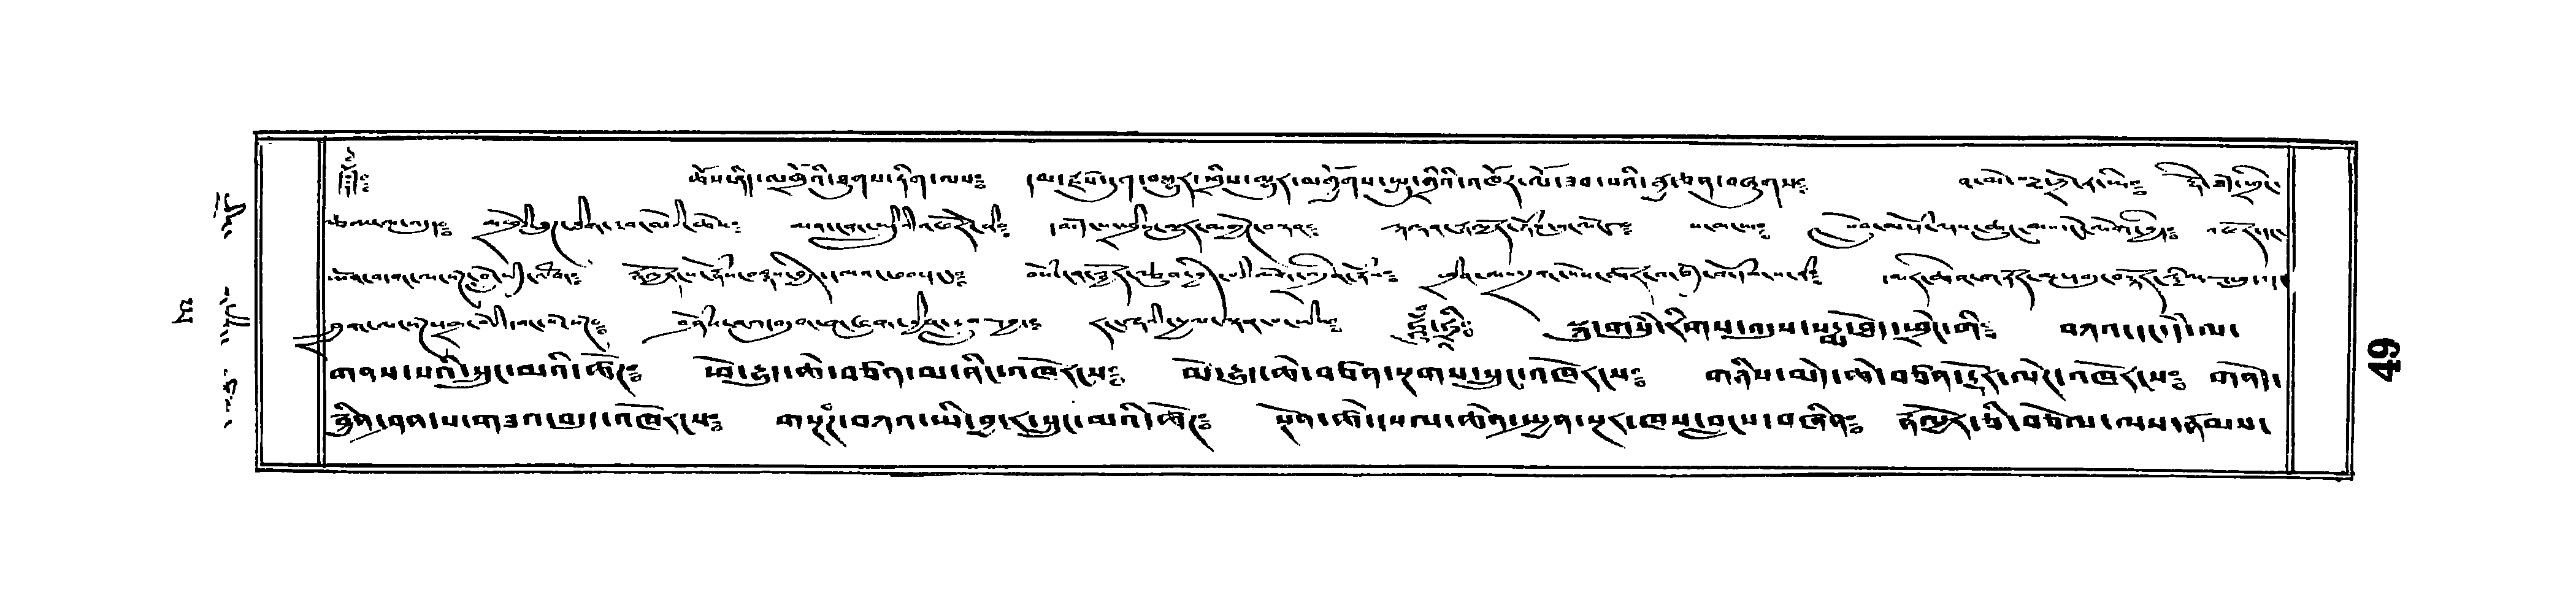ཆོས་ཉིད་མཁའ་འགྲོའི་ཐུགས་ཏིག་ལས༔ དམ་རྫས་དུག་བསྒྱུར་ཕྲིན་ལས་མྱུར་མགྱོགས་སྤུ་གྲིའི་འཁོར་ལོ་ཟབ་བའི་རྒྱ་ཅན་བཞུགས༔ ན་མོ་པདྨ་ཀྲོ་དྷ་ཡེ༔ རྡོ་རྗེ་ཐོད་ཕྲེང་
རྩལ་ལ་འདུད༔ མཁའ་འགྲོའི་ཐུགས་ཐིག་ཟབ་མོའི་ཆོས༔ མན་ངག་སྤུ་གྲྀ་འཁོར་ལོ་ནི༔ དམོད་པ་ཕྲིན་ལས་མྱུར་མགྱོགས་བསྟན༔ སྐལ་ལྡན་རྣལ་འབྱོར་ཉམས་སུ་ལོངས༔ ས་མ་ཡ༔ སློབ་མ་དམ་འདས་ཆུང་མས་ངོ་ལོག་བྱེད༔ འཁོར་དང་
ཡོན་བདག་ལ་སོགས་བློ་ཡིད་ལོག༔ རྣལ་འབྱོར་པ་རྣམས་བརྙས་བྱེད་དམའ་ཕབ་དང༔ བསམ་ངན་སྦྱོར་རྩུབ་བྱེད་པའི་ལོག་འདྲེན་རྣམས༔ ཕྲིན་ལས་དྲག་པོས་ཚར་གཅོད་གདམས་པ་ནི༔ དམར་ཆེན་གཏོར་མ་དགུ་བསྐོར་སྐྱེམས་ཕུད་དང༔ 
ཤ་ཁྲག་ལ་སོགས་དགྲ་པོའི་དབང་པོ་སོགས༔ བཤམས་ནས་དགུག་གཞུག་བྱིན་རླབས་བྱ༔ རང་ལྷའི་ང་རྒྱལ་ལྡན་པ་ཡིས༔ ཧཱུྃ་ཧྲཱི༔ སྐུ་གསུམ་རིགས་འདུས་པདྨ་ཐོད་ཕྲེང་གི༔ བཀའ་དང་དམ་ལ་
གནས་པའི་སྲུང་མའི་ཚོགས༔ ཕོ་རྒྱུད་ཆེ་བཙན་མ་ནིང་འཁོར་དང་བཅས༔ མོ་རྒྱུད་ཆེ་བཙན་སྔགས་སྲུང་འཁོར་དང་བཅས༔ གཉིས་མེད་ཆེ་བཙན་རྡོར་ལེགས་འཁོར་དང་བཅས༔ གནོད་
སྦྱིན་ཤན་པ་གཟའ་བདུད་འཁོར་དང་བཅས༔ གསང་སྔགས་བཀའ་ཡི་བྱ་ར་སྲུང་མའི་ཚོགས༔ སྔོན་ཚེ་དཔལ་ཆེན་སྤྱན་སྔར་ཁས་བླངས་བཞིན༔ རྣལ་འབྱོར་ཅི་བཅོལ་ལས་རྣམས་